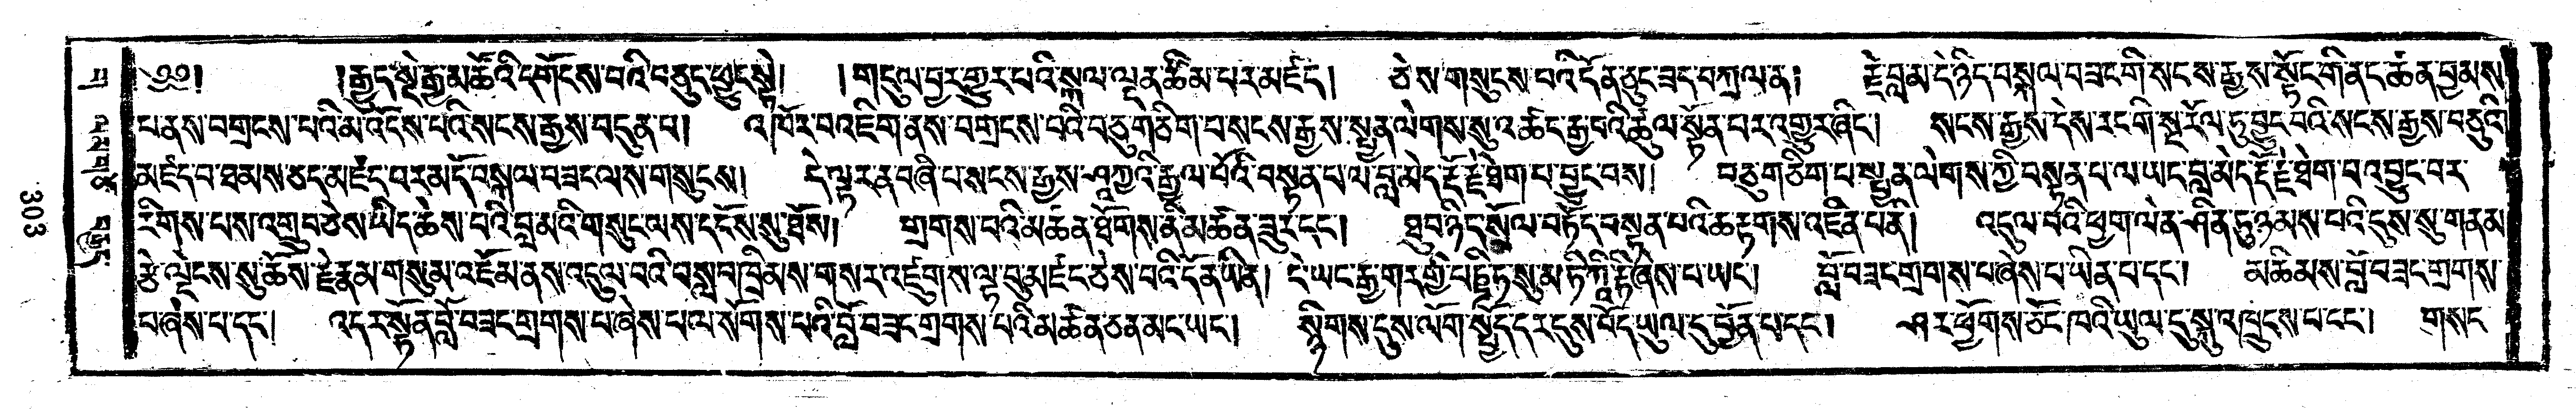༄༅། །རྒྱུད་སྡེ་རྒྱ་མཚོའི་དགོངས་པའི་བཅུང་ཕྱུང་སྟེ། །གདུལ་བྱར་གྱུར་པའི་སྐལ་ལྡན་ཚིམ་པར་མཛད། ཅེས་གསུངས་པའི་དོན་ཅུང་ཟད་བཀྲལ་ན། རྗེ་བླ་མ་དེ་ཉིད་བསྐལ་བཟང་གི་སངས་རྒྱས་སྟོང་གི་ནང་ཚན་བྱམས་
པ་ནས་བགྲངས་པའི་མ་འོངས་པའི་སངས་རྒྱས་བདུན་པ། འཁོར་བ་འཇིག་ནས་བགྲངས་པའི་བཅུ་གཅིག་བ་སངས་རྒྱས་སྤྱན་ལེགས་སུ་འཚང་རྒྱ་པའི་ཚུལ་སྟོན་པར་འགྱུར་ཞིང་། སངས་རྒྱས་དེས་རང་གི་སྔ་རོལ་ཏུ་བྱུང་པའི་སངས་རྒྱས་བཅུའི་
མཛད་པ་ཐམས་ཅད་མཛད་པར་མདོ་བསྐལ་བཟང་ལས་གསུངས། དེ་ལྟར་ན་བཞི་པ་སངས་རྒྱས་ཤཱཀྱའི་རྒྱལ་པོའི་བསྟན་པ་ལ་བླ་མེད་རྡོ་རྗེ་ཐེག་པ་བྱུང་བས། བཅུ་གཅིག་པ་སྤྱན་ལེགས་ཀྱི་བསྟན་པ་ལ་ཡང་བླ་མེད་རྡོ་རྗེ་ཐེག་པ་འབྱུང་བར་
རིགས་པས་འགྲུབ་ཅེས་ཡིད་ཆེས་པའི་བླ་མའི་གསུང་ལས་དངོས་སུ་ཐོས། གྲགས་པའི་མཚན་ཐོགས་ནི་མཚན་ཟུར་དང་། ཐུབ་ཉིད་སོལ་བཏོད་བསྟན་པའི་ཆ་རྟགས་འཛིན་པ་ནི། འདུལ་བའི་ཕྱག་ལེན་ཤིན་ཏུ་ཉམས་པའི་དུས་སུ་གནམ་
རྩེ་ལྡེངས་སུ་ཆོས་རྗེ་རྣམ་གསུམ་འཇོམ་ནས་འདུལ་པའི་བསླབ་ཁྲིམས་གསར་འཛུགས་ལྟ་བུ་མཛད་ཅེས་པའི་དོན་ཡིན། དེ་ཡང་རྒྱ་གར་གྱི་པཎྜི་ཏ་སུ་མ་ཏི་ཀཱི་རྟི་ཞེས་པ་ཡང་། བླཽ་བཟང་གྲགས་པ་ཞེས་པ་ཡིན་པ་དང་། མཆིམས་བློ་བཟང་གྲགས་
པ་ཞེས་པ་དང་། འདར་སྟོན་བློ་བཟང་གྲགས་པ་ཞེས་པ་ལ་སོགས་པའི་བློ་བཟང་གྲགས་པའི་མཚན་ཅན་མང་ཡང་། སྙིགས་དུས་ལོག་སྤྱོད་དར་དུས་བོད་ཡུལ་དུ་བྱོན་པ་དང་། ཤར་ཕྱོགས་ཙོང་ཁའི་ཡུལ་དུ་སྐུ་འཁྲུངས་པ་ངང་། གསང་